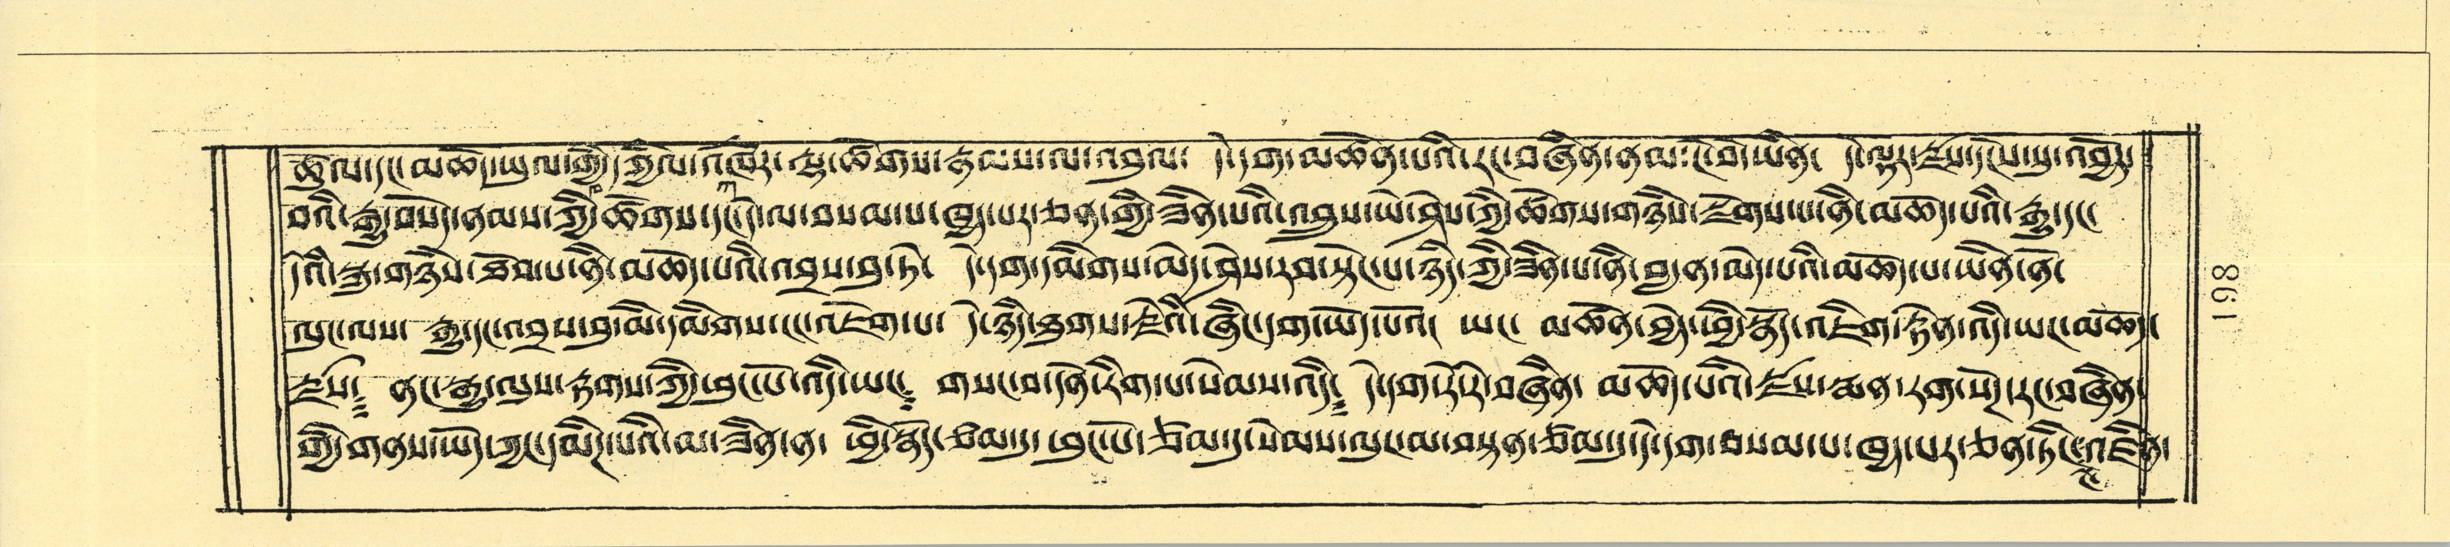ཚུལ་དང་མཆོད་ཡུལ་དཀྱིལ་འཁོར་གྱི་ལྷ་ཚོགས་རྣམས་ལ་འབུལ། དེ་དག་མཚོན་པའི་རང་བཞིན་ནམ་ངོ་བོ་ཡིན། དེ་ལྟར་རྫས་དངོས་སུ་འབྱོར་
བའི་རྒྱུ་བསོད་ནམས་ཀྱི་ཚོགས་དང་། དེ་ལ་བསམ་པ་ཁྱད་པར་ཅན་གྱིས་ཟིན་པའི་འབྲས་བུ་ཡེ་ཤེས་ཀྱི་ཚོགས་གཉིས་རྫོགས་པ་ནི་མཆོད་པའི་རྒྱུ་དང་། 
དེའི་སྐུ་གཉིས་ཐོབ་པ་ནི་མཆོད་པའི་འབྲས་བུ་སྟེ། དེ་དག་དམིགས་མེད་ཤེས་རབ་སྟོང་པ་ཉིད་ཀྱིས་ཟིན་པ་ནི་བླ་ན་མེད་པའི་མཆོད་པ་ཡིན་ནོ། 
ལུང་ལས། རྒྱུ་དང་འབྲས་བུ་མི་དམིགས་ངང་འཇོག་པ། དེ་ཉིད་ཐུགས་རྗེའི་ཞིང་དག་ཡོད་པའོ། །ཡང་མཚོན་བྱེད་ཕྱི་སྣོད་འཇིག་རྟེན་འདི་ཡང་མཆོད་
རྫས་ནང་སྒྱུ་ལུས་རྟགས་ཀྱི་ཕུང་པོ་འདི་ཡང་གསང་བ་དོན་རིག་པ་སེམས་འདི་དེ་དག་རེ་རེ་བཞིན་མཆོད་པའི་རྫས་སྨན་རག་སོགས་རང་བཞིན་
གྱི་གནས་ཡོད་ཀྱང་དམིགས་པས་མ་ཟིན་ན་ཕྱི་སྣོད་ཙམ་དུ་ཕུང་པོ་ཙམ་དུ་སེམས་ལུང་མ་བསྟན་ཙམ་དུ་དེ་དག་བསམ་པ་ཁྱད་པར་ཅན་ཏིང་ངེ་འཛིན་